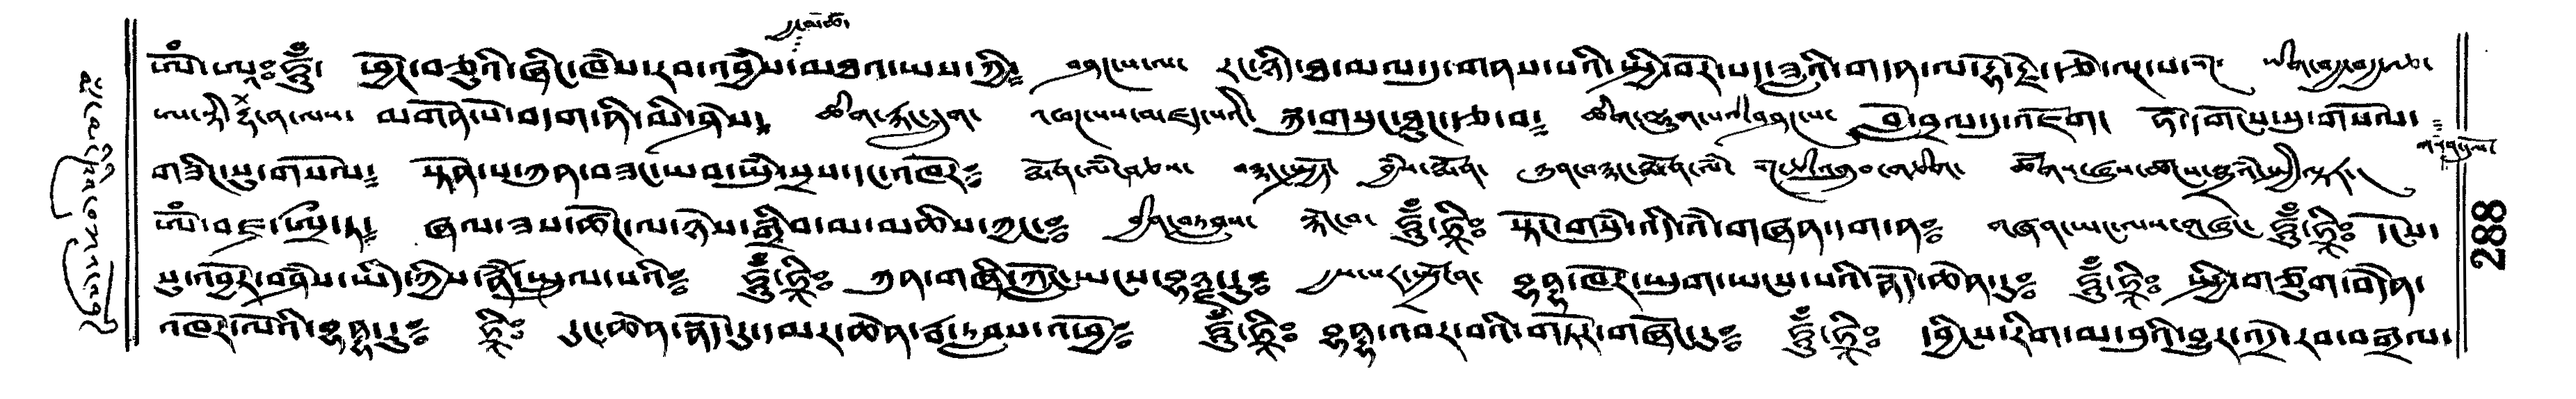ཨོཾ་ཨཱཿཧཱུྃ༔ ཕྱོགས་བཅུའི་ཞིང་ཁམས་རབ་འབྱམས་རྒྱ་མཚོ་མཐའ་ཡས་ཀྱི༔ བཤགས་པ་ལ། རང་ཉིད་ཐ་མལ་དུ་གནས་པའི་སྤྱི་བོར་པད་ཟླའི་གདན་ལ་རྡོ་རྗེ་རྩེ་ལྔ་པ༴ སོགས། ཡིག་བརྒྱ་བརྒྱ་ལ་
ཨ་སྟི་དྷ་ན་ལས། མགོན་པོ་བདག་ནི་མི་ཤེས་༴ ཚིག་རྐང་དྲུག འཕགས་པས་མཛད་པའི། སྐུ་གསུང་ཐུགས་རྩ་བ༴ ཚིག་ལྷུག་པའི་བཤགས་པ། བློ་བྲལ་དུ་འཇོག ཧོཿདགོངས་སུ་གསོལ༔ གསན་དུ་གསོལ༔ 
གཟིགས་སུ་གསོལ༔ས སྟོན་པ་ཀུན་བཟང་ཡབ་ཡུམ་སྲས་དང་འཁོར༔ སྨོན་ལམ་བཅས། བཟང་སྤྱོད། བྱམས་སྨོན། ཀུན་བཟང་སྨོན་ལམ། སོགས་ཅི་འགྲུབ། ཚོགས་ཞུས་ཚངས་སྒྲའམ་སྤྱི་ལྟར། 
ཨོཾ་བཛྲ་ཨ་མྲྀ་ཏ༴ ཞལ་ཟས་ཚོགས་ལ་ཉེས་སྒྲིབ་མ་མཆིས་ཀྱང༔ བྱིན་རླབས། སྐོང་བ། ཧཱུྃ་ཧྲཱི༔ སྟོང་གསུམ་འདི་འམ་གཞན་དག་ན༔ གཞན་ཡང་ལས་གཞུང་། ཧཱུྃ་ཧྲཱི༔ དངོས་
སུ་འབྱོར་བཤམས་ཡིད་ཀྱིས་རྣམ་སྤྲུལ་པའི༔ ཧཱུྃ་ཧྲཱི༔ ཀུན་གཞི་ཀློང་ཡངས་བྷཉྫ་རུ༔ རྒྱས་པར་སྤྲོ་ན། བྷནྡྷ་ཁོར་ཡུག་ཡངས་པའི་སྣོད་ཆེན་དུ༔ ཧཱུྃ་ཧྲཱི༔ སྤྱི་གཙུག་བདེ་ཆེན་
འཁོར་ལོའི་བྷནྡྷ་རུ༔ ཧྲཱི༔ དུང་ཆེན་སྣོད་དུ་དམར་ཆེན་རྦ་རླབས་འཕྱོ༔ ཧཱུྃ་ཧྲཱིཿ བྷནྡྷ་འབར་བའི་གཏོར་གཞོང་དུ༔ ཧཱུྃ་ཧྲཱིཿ དབྱིངས་རིག་མ་བུའི་བྱུར་འདྲེ་རབ་བསྒྲལ་